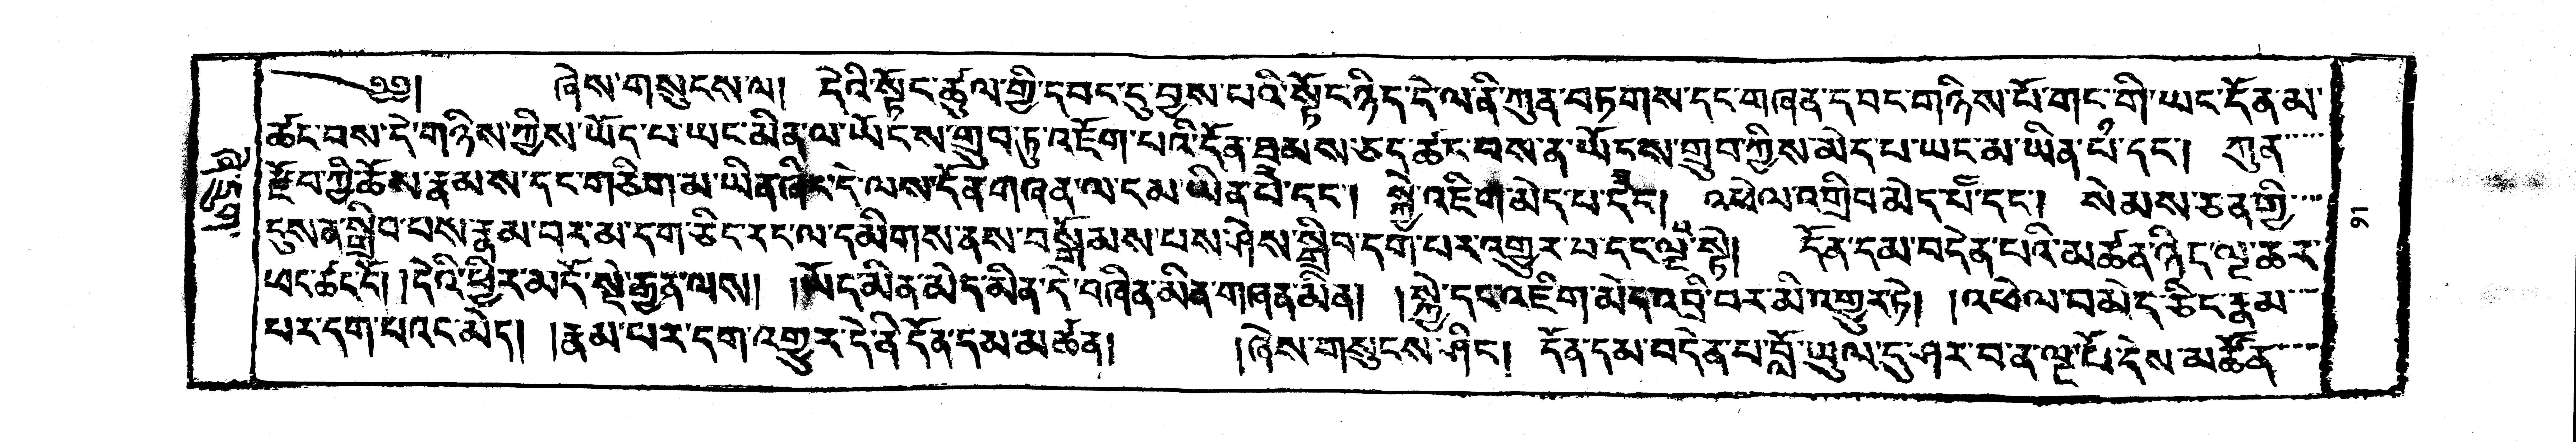༄༅། །ཞེས་གསུངས་ལ། དེའི་སྟོང་ཚུལ་གྱི་དབང་དུ་བྱས་པའི་སྟོང་ཉིད་དེ་ལ་ནི་ཀུན་བཏགས་དང་གཞན་དབང་གཉིས་པོ་གང་གི་ཡང་དོན་མ་
ཚང་བས་དེ་གཉིས་ཀྱིས་ཡོད་པ་ཡང་མིན་ལ་ཡོངས་གྲུབ་ཏུ་འཇོག་པའི་དོན་ཐམས་ཅད་ཚང་བས་ན་ཡོངས་གྲུབ་ཀྱིས་མེད་པ་ཡང་མ་ཡིན་པ་དང་། ཀུན་
རྫོབ་ཀྱི་ཆོས་རྣམས་དང་གཅིག་མ་ཡིན་ཞིང་དེ་ལས་དོན་གཞན་ལ་དམ་ཡིན་པ་དང་། སྐྱེ་འཇིག་མེད་པ་དང་། འཕེལ་འགྲིབ་མེད་པ་དང་། སེམས་ཅན་གྱི་
དུས་ན་སྒྲིབ་པས་རྣམ་པར་མ་དག་ཅིང་རང་ལ་དམིགས་ནས་བསྒོམས་པས་ཤེས་སྒྲིབ་དག་པར་འགྱུར་པ་དང་ལྔ་སྟེ། དོན་དམ་བདེན་པའི་མཚན་ཉིད་ལྔ་ཆར་
ཕང་ཚང་ངོ། །དེའི་ཕྱིར་མདོ་སྡེ་རྒྱན་ལས། །ཡོད་མིན་མེད་མིན་དེ་བཞིན་མིན་གཞན་མིན། །སྐྱེ་དང་འཇིག་མེད་འབྲི་བར་མི་འགྱུར་ཏེ། །འཕེལ་བ་མེད་ཅིང་རྣམ་
པར་དག་པའང་མེད། །རྣམ་པར་དག་འགྱུར་དེ་ནི་དོན་དམ་མཚན། །ཞེས་གསུངས་ཤིང་། དོན་དམ་བདེན་པ་བློ་ཡུལ་དུ་ཤར་བ་ན་ལྔ་པོ་དེས་མཚོན་